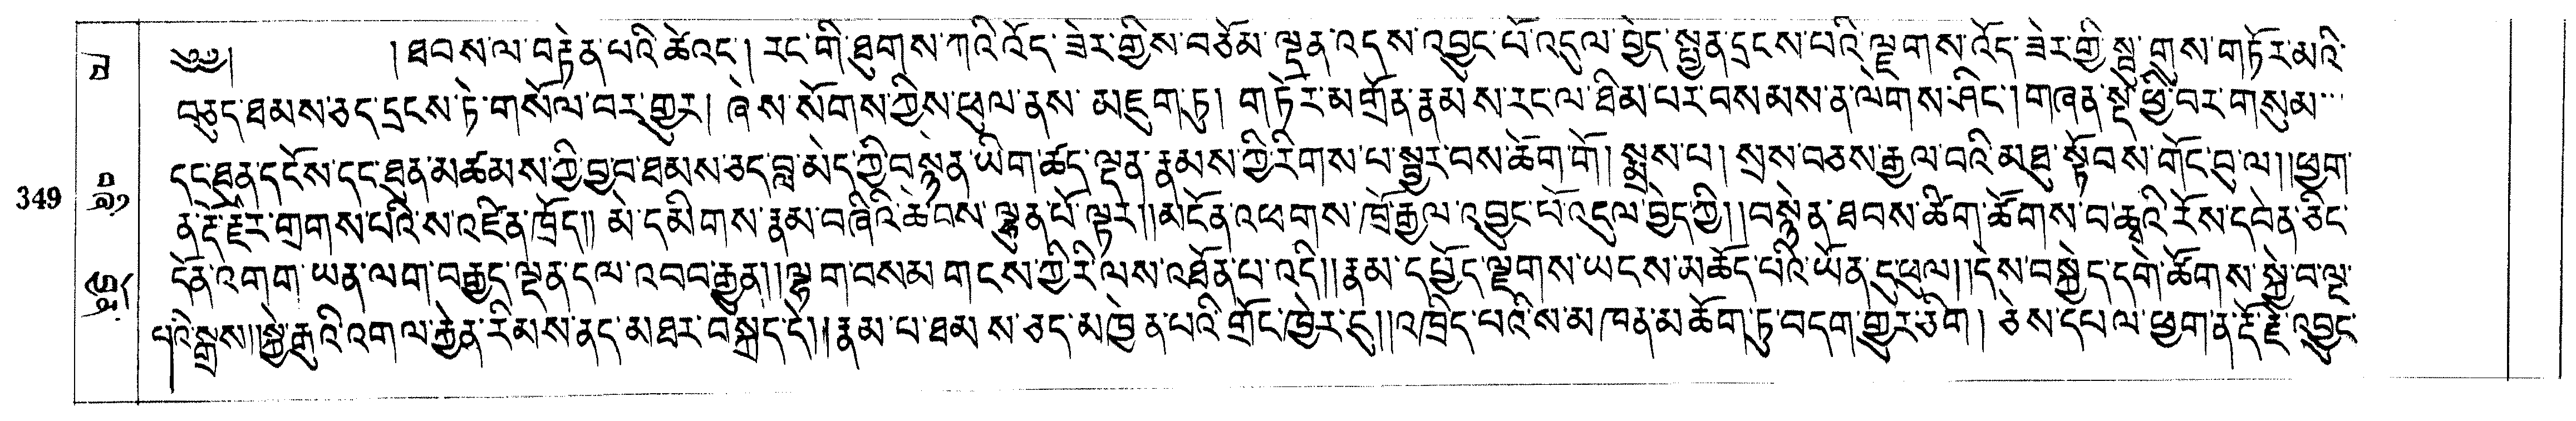༄༅། །ཐབས་ལ་བརྟེན་པའི་ཚེའང་། རང་གི་ཐུགས་ཀའི་འོད་ཟེར་གྱིས་བཅོམ་ལྡན་འདས་འབྱུང་པོ་འདུལ་བྱེད་སྤྱན་དྲངས་པའི་ལྗགས་འོད་ཟེར་གྱི་སྦུ་གུས་གཏོར་མའི་
བཅུད་ཐམས་ཅད་དྲངས་ཏེ་གསོལ་བར་གྱུར། ཞེས་སོགས་ཀྱིས་ཕུལ་ནས་མཇུག་ཏུ། གཏོར་མགྲོན་རྣམས་རང་ལ་ཐིམ་པར་བསམས་ན་ལེགས་ཤིང་། གཞན་སྡེ་ཕྱི་བར་གསུམ་
དང་ཐུན་དངོས་དང་ཐུན་མཚམས་ཀྱི་བྱ་བ་ཐམས་ཅད་བླ་མེད་ཀྱི་བསྙེན་ཡིག་ཚད་ལྡན་རྣམས་ཀྱི་རིགས་པ་སྦྱར་བས་ཆོག་གོ ། སྨྲས་པ། སྲས་བཅས་རྒྱལ་བའི་མཐུ་སྟོབས་གོང་བུ་ལ། །ཕྱག་
ན་རྡོ་རྗེར་གྲགས་པའི་ས་འཛིན་ཁྲོད། །མེ་དམིགས་རྣམ་བཞིའི་ཆེ་བས་ལྷུན་པོ་ལྟར། །མངོན་འཕགས་ཁྲོ་རྒྱལ་འབྱུང་པོ་འདུལ་བྱེད་ཀྱི། །བསྙེན་ཐབས་ཚིག་ཚོགས་བ་ཆྭའི་རོས་དབེན་ཅིང་
དོན་འགག་ཡན་ལག་བརྒྱད་ལྡན་དལ་འབབ་རྒྱུན། །ལྷག་བསམ་གངས་ཀྱི་རི་ལས་འཐོན་པ་འདི། །རྣམ་དཔྱོད་ལྗགས་ཡངས་མཆོད་པའི་ཡོན་དུ་ཕུལ། །དེས་བསྐྱེད་དགེ་ཚོགས་སྐྱེ་བ་ལྔ་
པའི་སྒྲས། །སྐྱེ་རྒུའི་འགལ་རྐྱེན་རིམས་ནད་མཐར་བསྐྲད་དེ། །རྣམ་པ་ཐམས་ཅད་མཁྱེན་པའི་གྲོང་ཁྱེར་དུ། །འཁྲིད་པའི་ས་མཁན་མཆོག་ཏུ་བདག་གྱུར་ཅིག། ཅེས་དཔལ་ཕྱག་ན་རྡོ་རྗེ་འབྱུང་